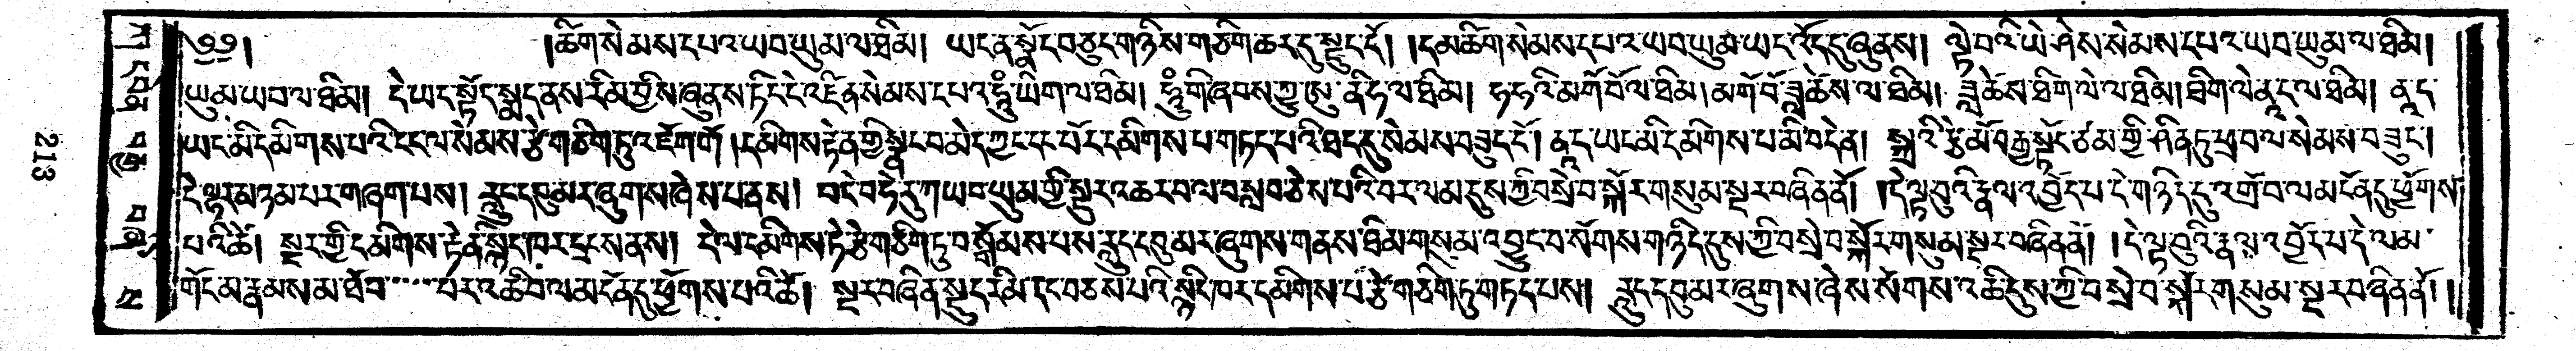༄༅། །ཚིག་སེམས་དཔའ་ཡབ་ཡུམ་ལ་ཐིམ། ཡང་ན་སྣོད་བཅུད་གཉིས་གཅིག་ཆར་དུ་སྡུད་དོ། །དམ་ཚིག་སེམས་དཔའ་ཡབ་ཡུམ་ཡང་འོད་དུ་ཞུ་ནས། ལྟེ་བའི་ཡེ་ཤེས་སེམས་དཔའ་ཡབ་ཡུམ་ལ་ཐིམ།
ཡུམ་ཡབ་ལ་ཐིམ། དེ་ཡང་སྟོད་སྨད་ནས་རིམ་བྱིས་ཞུ་ནས་ཏིང་ངེ་འཛིན་སེམས་དཔའ་ཧཱུཾ་ཡིག་ལ་ཐིམ། ཧཱུཾ་གི་ཞབས་ཀྱུ་ཨུ་ནི་ཧ་ལ་ཐིམ། ཧ་ཧའི་མགོ་བོ་ལ་ཐིམ། མགོ་བོ་ཟླ་ཚེས་ལ་ཐིམ། ཟླ་ཚེས་ཐིག་ལེ་ལ་ཐིམ། ཐིག་ལེ་ནཱ་ད་ལ་ཐིམ། ནཱ་ད་
ཡང་མི་དམིགས་པའི་ངང་ལ་སེམས་རྩེ་གཅིག་ཏུ་འཇོག་གོ །དམིགས་རྟེན་གྱི་སྣང་བ་མེད་ཀྱང་དང་པོར་དམིགས་པ་གཏད་པའི་ཐང་དུ་སེམས་བཟུང་ངོ། ནཱ་ད་ཡང་མི་དམིགས་པ་མི་བདེན། སྐྲའི་རྩེ་མོ་བརྒྱ་སྟོང་ཙམ་གྱི་ཤིན་ཏུ་ཕྲ་བ་ལ་སེམས་བཟུང་།
དེ་ལྷར་མཉམ་པར་གཞག་པས། རླུང་དབུ་མར་ཞུགས་ཞེས་པ་ནས། བདེ་བ་ཧེ་རུ་ཀ་ཡབ་ཡུམ་གྱི་སྡུར་འཆར་བ་ལ་བསླབ་ཅེས་པའི་བར་ལམ་དུས་ཀྱི་བསྲེ་བ་སྐོར་གསུམ་སྔར་བཞིན་ནོ། །དེ་ལྟ་བུའི་རྣལ་འབྱོད་པ་དེ་གཉིད་དུ་འགྲོ་བ་ལ་མངོན་དུ་ཕྱོགས་
པའི་ཚེ། སྔར་གྱི་དམིགས་རྟེན་སྙིང་ཁར་དྲངས་ནས། དེ་ལ་དམིགས་ཏེ་རྩེ་གཅིག་ཏུ་བསྒོམས་པས་རླུང་དབུ་མར་ཞུགས་གནས་ཐིམ་གསུམ་འབྱུང་བ་སོགས་གཉིད་དུས་ཀྱི་བསྲེ་བསྐོར་གསུམ་སྔར་བཞིན་ནོ། །དེ་ལྟ་བུའི་རྣལ་འབྱོར་པ་དེ་ལམ་
གོང་མ་རྣམས་མ་ཐོབ་པར་འཆི་བ་ལ་མངོན་དུ་ཕྱོགས་པའི་ཚེ། སྔར་བཞིན་སྡུད་རིམ་དང་བཅས་པའི་སྙིང་ཁར་དམིགས་པ་ཙེ་གཅིག་ཏུ་གཏད་པས། རླུང་དབུ་མར་ཞུགས་ཞེས་སོགས་འཆི་དུས་ཀྱི་བསྲེ་བ་སྐོར་གསུམ་སྔར་བཞིན་ནོ། །